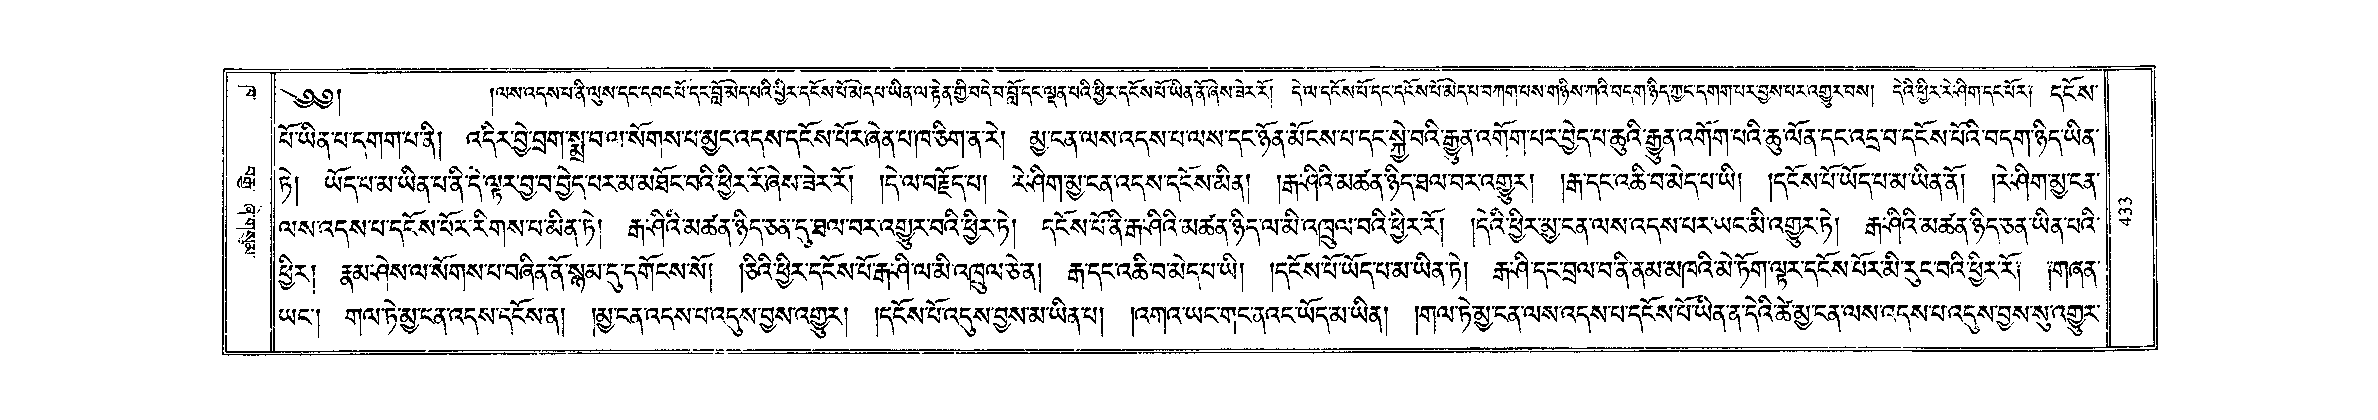༄༅། །ལས་འདས་པ་ནི་ལུས་དང་དབང་པོ་དང་བློ་མེད་པའི་ཕྱིར་དངོས་པོ་མེད་པ་ཡིན་ལ་རྟེན་གྱི་བདེ་བ་བློ་དང་ལྡན་པའི་ཕྱིར་དངོས་པོ་ཡིན་ནོ་ཞེས་ཟེར་རོ། དེ་ལ་དངོས་པོ་དང་དངོས་པོ་མེད་པ་བཀག་པས་གཉིས་ཀའི་བདག་ཉིད་ཀྱང་དགག་པར་བྱས་པར་འགྱུར་བས། དེའི་ཕྱིར་རེ་ཤིག་དང་པོར། དངོས་
པོ་ཡིན་པ་དགག་པ་ནི། འདིར་བྱེ་བྲག་སྨྲ་བ་ལ་སོགས་པ་མྱང་འདས་དངོས་པོར་ཞེན་པ་ཁ་ཅིག་ན་རེ། མྱ་ངན་ལས་འདས་པ་ལས་དང་ཉོན་མོངས་པ་དང་སྐྱེ་བའི་རྒྱུན་འགོག་པར་བྱེད་པ་ཆུའི་རྒྱུན་འགོག་པའི་ཆུ་ལོན་དང་འདྲ་བ་དངོས་པོའི་བདག་ཉིད་ཡིན་
ཏེ། ཡོད་པ་མ་ཡིན་པ་ནི་དེ་ལྟར་བྱ་བ་བྱེད་པར་མ་མཐོང་བའི་ཕྱིར་རོ་ཞེས་ཟེར་རོ། །དེ་ལ་བརྗོད་པ། རེ་ཤིག་མྱ་ངན་འདས་དངོས་མིན། །རྒ་ཤིའི་མཚན་ཉིད་ཐལ་བར་འགྱུར། །རྒ་དང་འཆི་བ་མེད་པ་ཡི། །དངོས་པོ་ཡོད་པ་མ་ཡིན་ནོ། །རེ་ཤིག་མྱ་ངན་
ལས་འདས་པ་དངོས་པོར་རིགས་པ་མིན་ཏེ། རྒ་ཤིའི་མཚན་ཉིད་ཅན་དུ་ཐལ་བར་འགྱུར་བའི་ཕྱིར་ཏེ། དངོས་པོ་ནི་རྒ་ཤིའི་མཚན་ཉིད་ལ་མི་འཁྲུལ་བའི་ཕྱིར་རོ། །དེའི་ཕྱིར་མྱ་ངན་ལས་འདས་པར་ཡང་མི་འགྱུར་ཏེ། རྒ་ཤིའི་མཚན་ཉིད་ཅན་ཡིན་པའི་
ཕྱིར། རྣམ་ཤེས་ལ་སོགས་པ་བཞིན་ནོ་སྙམ་དུ་དགོངས་སོ། །ཅིའི་ཕྱིར་དངོས་པོ་རྒ་ཤི་ལ་མི་འཁྲུལ་ཅེ་ན། རྒ་དང་འཆི་བ་མེད་པ་ཡི། །དངོས་པོ་ཡོད་པ་མ་ཡིན་ཏེ། རྒ་ཤི་དང་བྲལ་བ་ནི་ནམ་མཁའི་མེ་ཏོག་ལྟར་དངོས་པོར་མི་རུང་བའི་ཕྱིར་རོ། །གཞན་
ཡང་། གལ་ཏེ་མྱ་ངན་འདས་དངོས་ན། །མྱ་ངན་འདས་པ་འདུས་བྱས་འགྱུར། །དངོས་པོ་འདུས་བྱས་མ་ཡིན་པ། །འགའ་ཡང་གང་ནའང་ཡོད་མ་ཡིན། །གལ་ཏེ་མྱ་ངན་ལས་འདས་པ་དངོས་པོ་ཡིན་ན་དེའི་ཚེ་མྱ་ངན་ལས་འདས་པ་འདུས་བྱས་སུ་འགྱུར་